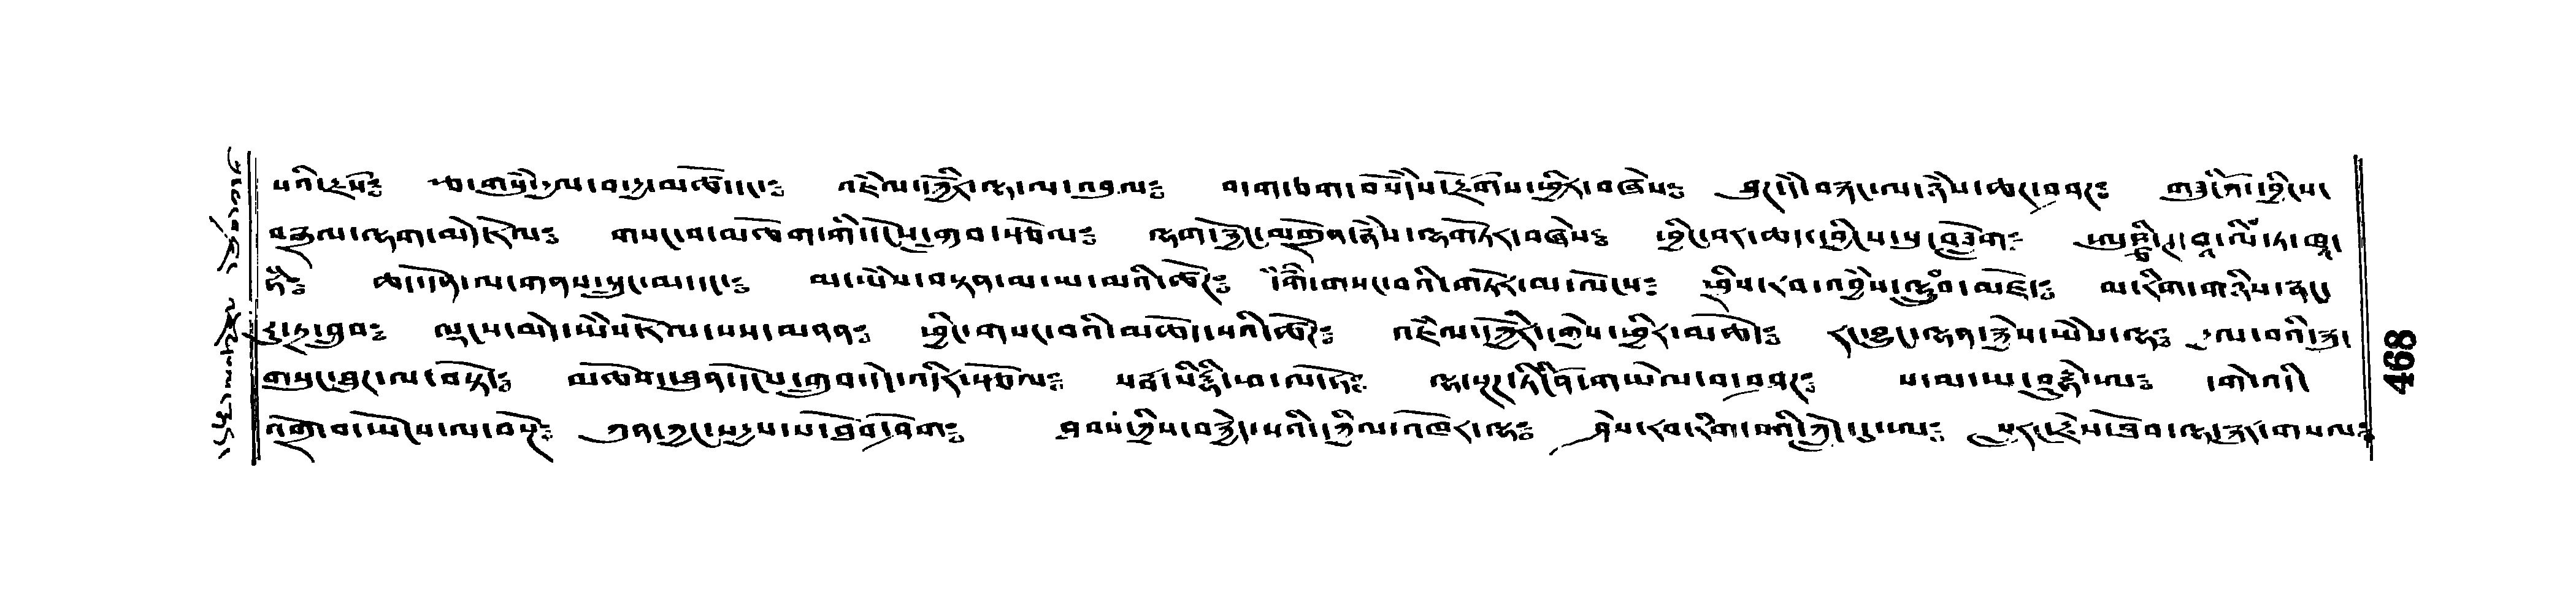པའི་རྫས༔ རྩ་གསུམ་རྒྱལ་བ་རྒྱ་མཚོ་དང༔ འཇམ་དཔལ་དཀྱིལ་འཁོར་ལྷ་ལ་འབུལ༔ བདག་ཅག་བསོད་ནམས་རྫོགས་ཕྱིར་བཞེས༔ ཐུགས་དམ་བསྐང་ལ་ཉམས་ཆགས་བཤགས༔ གཟུང་འཛིན་དབྱིངས་
བསྒྲལ་ལྷག་མེད་རོལ༔ གསང་བ་མཆོག་གི་དངོས་གྲུབ་སྩོལ༔ ལྷག་སྐྱོང་མགྲོན་རྣམས་ལྷག་གཏོར་བཞེས༔ ཕྱི་ནང་བར་ཆད་དབྱིངས་སུ་བཟློག༔ ཨུ་ཙྪིཥྚ་བཱ་ལིཾ་ཏ་ཁཱ་
ཧིཿ ཆད་དོན་ལ་གནས་སྲུང་མ་དང༔ མ་ཡམས་བསྟན་མ་ཡ་མའི་ཚོགས༔ དམ་ཚིག་གསང་བའི་གཏོར་མ་ལོངས༔ ཕྲིན་ལས་རབ་འབྱམས་ལྷུན་གྲུབ་མཛོད༔ མ་རིག་གཉིས་སྣང་
རུ་ཏྲ་བྲུབ༔ ལྡང་མེད་ཡེ་ཤེས་རོལ་པས་མནན༔ ཕྱི་ནང་གསང་བའི་མཆོད་པའི་ཚོགས༔ འཇམ་དཔལ་དཀྱིལ་འཁོར་དགྱེས་ཕྱིར་མཆོད༔ རང་བྱུང་ལྷན་སྐྱེས་ཡེ་ཤེས་ལྷ༔ རྒྱལ་བའི་སྐུ་
གསུང་ཐུགས་ལ་བསྟོད༔ མཆོག་ཐུན་དངོས་གྲུབ་དེང་འདིར་སྩོལ༔ སརྦ་སིདྡྷི་ཕ་ལ་ཧོཿ ལྷ་སྔགས་ཏིང་འཛིན་གཡེལ་བ་བཤགས༔ ས་མ་ཡ་ཤུདྡྷེ་ཨཱཿ དགེ་འདི་
འགྲོ་བ་ཡོངས་ལ་བསྔོ༔ ཀུན་ཀྱང་སངས་རྒྱས་ས་ཐོབ་ཤོག༔ཐབས་ཀྱིས་བསྐྱེད་པའི་དཀྱིལ་འཁོར་ལྷ༔ ཤེས་རབ་རིག་བའི་ཀློང་དུ་ཨཱཿ སླར་ཡང་རྗེས་ཐོབ་ལྷ་སྐུར་གསལ༔